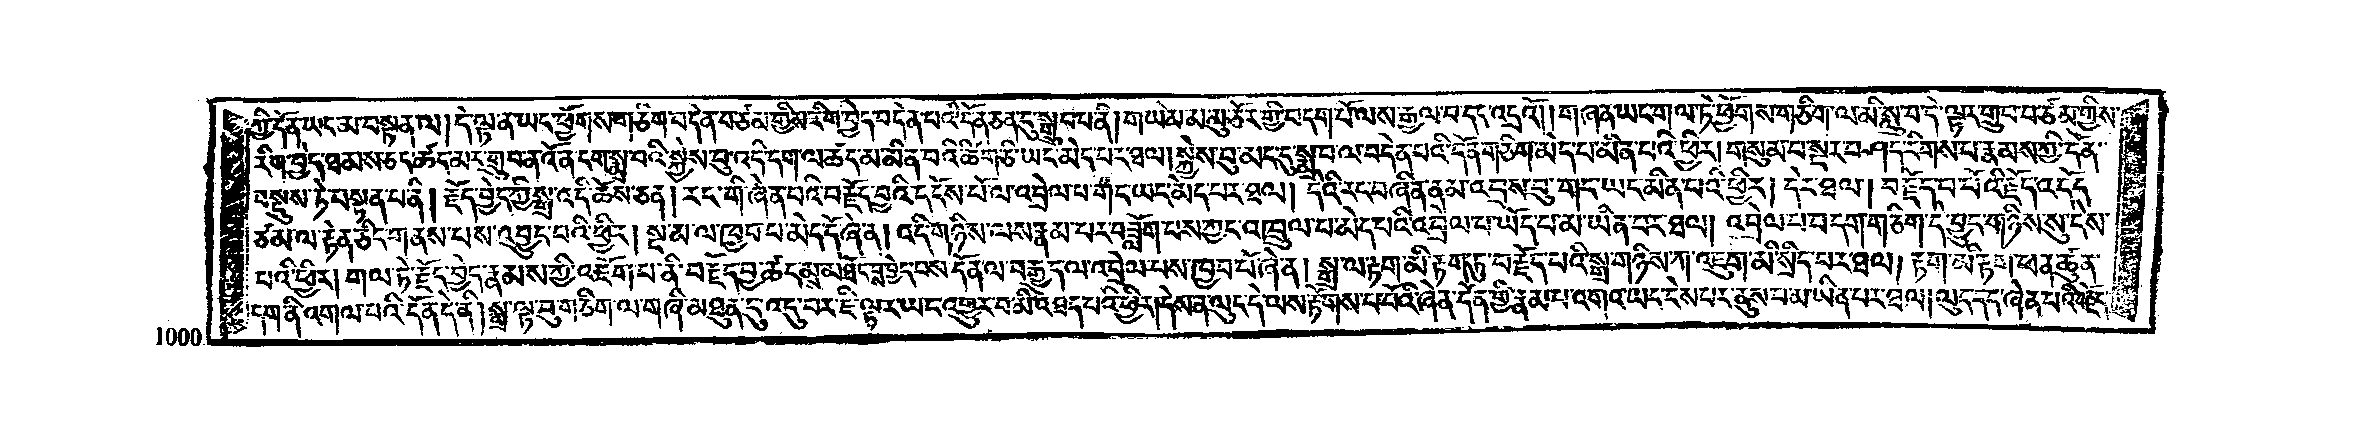ཀྱི་དོན་ཡང་མ་བསྟན་ལ། དེ་ལྟ་ན་ཡང་ཕྱོགས་གཅིག་བདེན་པ་ཙམ་གྱི་རིག་བྱེད་བདེན་པའི་དོན་ཅན་དུ་སྒྲུབ་པ་ནི། གཡེམ་མ་མུ་ཅོར་གྱི་བདག་པོ་ལས་རྒྱལ་བ་དང་འདྲའོ། །གཞན་ཡང་གལ་ཏེ་ཕྱོགས་གཅིག་ལ་མི་སླུ་བ་དེ་ལྟར་གྲུབ་པ་ཙམ་གྱིས་
རིག་བྱེད་ཐམས་ཅད་ཚད་མར་གྲུབ་ན་འོ་ན་ངག་སྨྲ་བའི་སྐྱེས་བུ་འདི་དག་ལ་ཚད་མ་མིན་པའི་ཚིག་ཅི་ཡང་མེད་པར་ཐལ། སྐྱེས་བུ་མང་དུ་སྨྲ་བ་ལ་བདེན་པའི་དོན་གཅིག་མེད་པ་མིན་པའི་ཕྱིར། གསུམ་པ་སྔར་བཤད་རིགས་པ་རྣམས་ཀྱི་དོན་
བསྡུས་ཏེ་བསྟན་པ་ནི། རྗོད་བྱེད་ཀྱི་སྒྲ་འདི་ཆོས་ཅན། རང་གི་ཞེན་པའི་བརྗོད་བྱའི་དངོས་པོ་ལ་འབྲེལ་བ་གང་ཡང་མེད་པར་ཐལ། དེའི་རང་བཞིན་རྣ་འབྲས་བུ་གང་ཡང་མིན་པའི་ཕྱིར། དེར་ཐལ། བརྗོད་པ་པོའི་རྗོད་འདོད་
ཙམ་ལ་རྟེན་ཅིང་གནས་པས་འབྱུང་བའི་ཕྱིར། སྔ་མ་ལ་ཁྱབ་པ་མེད་དོ་ཞེ་ན། འདི་གཉིས་ལས་རྣམ་པར་བཟློག་པས་ཀྱང་འཁྲུལ་པ་མེད་པའི་འབྲེལ་པ་ཡོད་པ་མ་ཡིན་པར་ཐལ། འབྲེལ་པ་བདག་གཅིག་དེ་བྱུང་གཉིས་སུ་ངེས་
པའི་ཕྱིར། གལ་ཏེ་རྗོད་བྱེད་རྣསམ་ཀྱི་འཇོག་པ་ནི་བརྗོད་བྱ་ཚད་མས་མཐོང་བས་བྱེད་པས་དོན་ལ་བརྒྱད་ལ་འབྱེལ་པས་ཁྱབ་པོ་ཞེ་ན། སྒྲ་ལ་རྟག་མི་རྟག་ཏུ་བརྗོད་པའི་སྒྲ་གཉིས་ཀ་འཇུག་མི་སྲིད་པར་ཐལ། རྟག་ཕན་ཚུན་
དག་ནི་འགལ་བའི་དོན་དེ་ནི། སྒྲ་ལྟ་བུ་གཅིག་ལ་གཞི་མཐུན་དུ་འདུ་བར་ཇི་ལྟར་ཡང་འགྱུར་བར་མི་འཐད་པའི་ཕྱིར། དེས་ན་ལུང་དེ་ལས་རྟོགས་པ་པོའི་ཞེ་ན་དོན་གྱི་རྣམ་པ་འགའ་ཡང་ངེས་པར་ནུས་པ་མ་ཡིན་པར་ཐལ། ལུང་དད་ཞེན་པའི་བརྗོད་